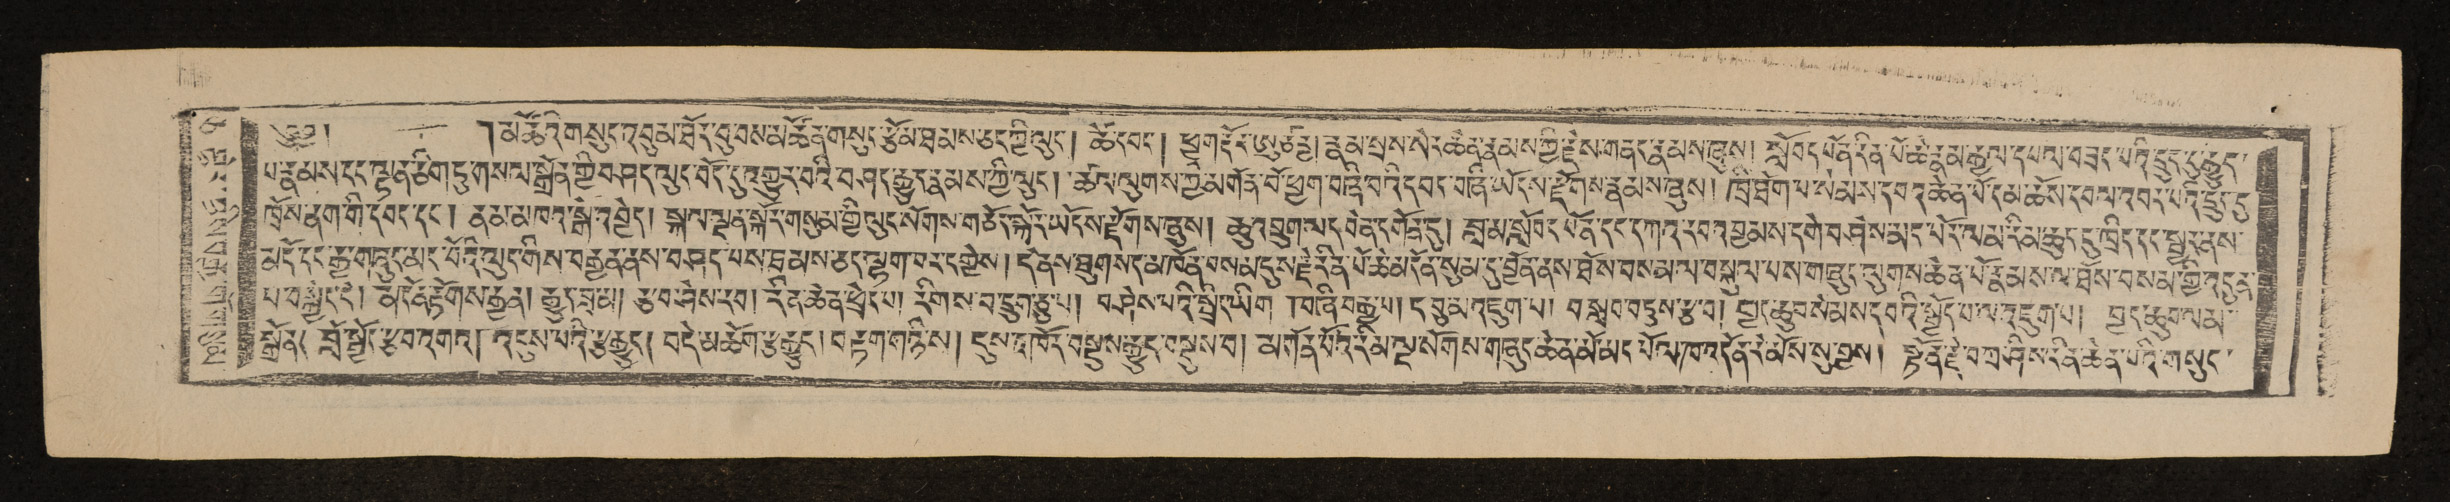༄༅། །མཚོའི་གསུང་འབུམ་ཐོར་བུ་བས་མཚོན་གསུང་རྩོམ་ཐམས་ཅད་ཀྱི་ལུང་། ཚེ་དབང་། ཕྱག་རྡོར་ཨུ་ཙརྱ། རྣམ་སྲས་སེར་ཆེན་རྣམས་ཀྱི་རྗེས་གནང་རྣམས་ཞུས། སློབ་དཔོན་རིན་པོ་ཆེ་རྣམ་རྒྱལ་དཔལ་བཟང་པའི་དྲུང་དུ་རྒྱུད་
པ་རྣམས་དང་ལྷན་ཅིག་ཏུ་གསལ་སྒྲོན་གྱི་བཤད་ལུང་བོད་དུ་འགྱུར་བའི་བཤད་རྒྱུད་རྣམས་ཀྱི་ལུང་། ཚལ་ལུགས་ཀྱི་མགོན་པོ་ཕྱག་བཞི་པའི་དབང་བཞི་ཡོངས་རྫོགས་རྣམས་ཞུས། ཁྲི་ཐོག་པ་སེམས་དཔའ་ཆེན་པོ་དམ་ཆོས་དཔལ་འབར་བའི་དྲུང་དུ།
ཁྲོས་ནག་གི་དབང་དང་། ནམ་མཁའ་སྒོ་འབྱེད། སྐལ་ལྡན་སྐོར་གསུམ་གྱི་ལུང་སོགས་གཅོད་སྐོར་ཡོངས་རྫོགས་ཞུས། ཆུ་འབྲུག་ལ་དཔེན་དགོན་དུ། བླ་མ་སློབ་དཔོན་དང་དཀའ་རབ་དབྱམས་དགེ་བཤེས་མང་པོར་ལམ་རིམ་ཆུང་དུ་ཁྲིད་དང་སྦྱར་ནས་
མདོ་དང་རྒྱ་གཞུང་མང་པོའི་ལུང་གིས་བརྒྱན་ནས་བཤད་པས་ཐམས་ཅད་ལྷག་པར་དགྱེས། དེ་ནས་ཐུགས་དམ་ཁོ་ན་བསམ་དུས་རྗེ་རིན་པོ་ཆེ་མངོན་སུམ་དུ་བྱོན་ནས་ཐོས་བསམས་ལ་བསྐུལ་པ་གཞུང་ལུགས་ཆེན་པོ་རྣམས་ལ་ཐོས་བསམ་གྱི་འདུན་
པ་བསྐྱེད་དེ། མངོན་རྟོགས་རྒྱན། རྒྱུད་བླ་མ། རྩ་བཤེས་རབ། རིན་ཆེན་ཕྲེང་བ། རིགས་པ་དྲུག་ཅུ་པ། བཤེས་པའི་སྤྲིན་ཡིག །བཞི་བརྒྱ་བ། དབུམ་འཇུག་པ། བསླབ་བཏུས་རྩ་བ། བྱང་ཆུབ་སེམས་དཔའི་སྤྱོད་པ་ལ་འཇུག་པ། བྱང་ཆུབ་ལམ་
སྒྲོན༑ བློ་སྦྱོང་རྩ་བ་འགའ། འདུས་པའི་རྩ་རྒྱུད། བདེ་མཆོག་རྩ་རྒྱུད། བརྟག་གཉིས། དུས་འཁོར་བསྡུས་རྒྱུད་བསྡུས་པ། མགོན་པོའི་རིམ་ལྔ་སོགས་གཞུང་ཆེན་མོ་མང་པོ་ལ་ཁ་འདོན་རེ་མོས་སུ་བྱས། སྟོན་རྗེ་བཀྲ་ཤིས་རིན་ཆེན་པའི་གསུང་